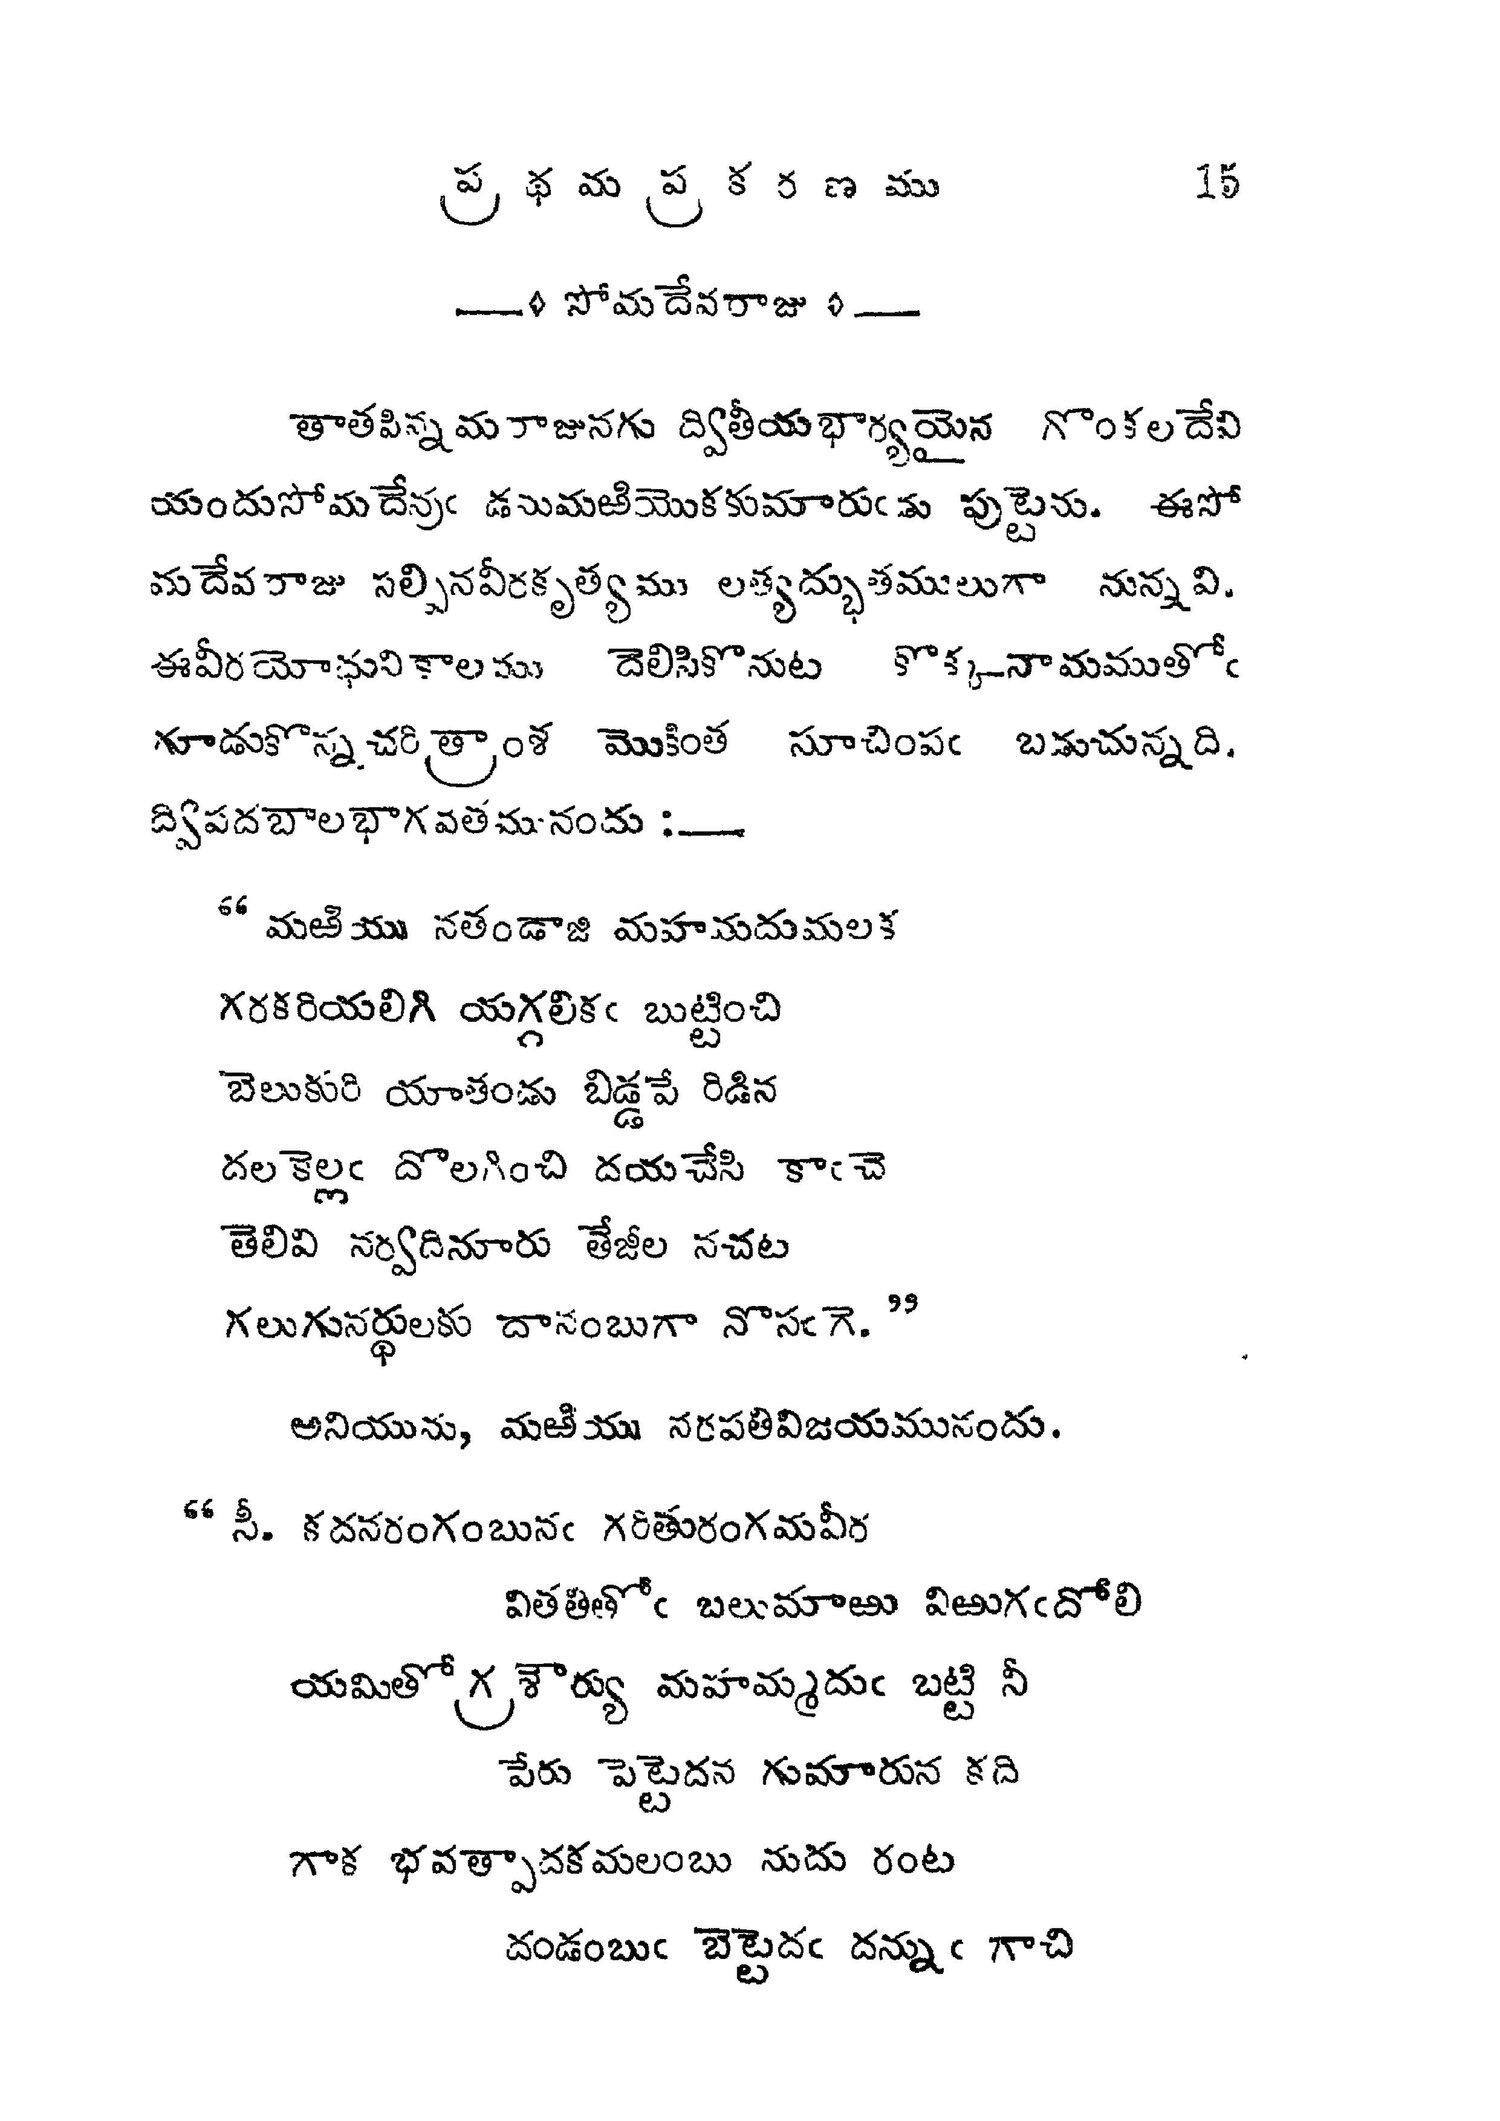తాతపిన్నమరాజునగు ద్వితీయభార్యయైన గొంకలదేవియందుసోమదేవు డనుమఱియొకకుమారుడు పుట్టెను. ఈసోమదేవరాజు సల్పినవీరకృత్యము లత్యద్భుతములుగా నున్నవి. ఈవీరయోధునికాలము దెలిసికొనుట కొక్కనామముతోగూడుకొన్నచరిత్రాంశ మొకింత సూచింప బడుచున్నది. ద్విపదబాల భాగవతమునందు:-

 "మఱియు నతండాజి మహమదుమలక
 గరకరియలిగి యగ్గలిక బుట్టించి
 బెలుకురి యాతండు బిడ్డపే రిడిన
 దలకెల్ల దొలగించి దయచేసి కాంచె
 తెలివి నర్వదినూరు తేజీల నచట
 గలుగునర్థులకు దానంబుగా నొసగె."

 అనియును, మఱియు నరపతివిజయమునందు.

 "సీ. కదనరంగంబున గరితురంగమవీర
 వితతితో బలుమాఱు విఱుగదోలి
 యమితోగ్రశౌర్యు మహమ్మదు బట్టి నీ
 పేరు పెట్టెదన గుమారున కది
 గాక భవత్పాదకమలంబు నుదు రంట
 దండంబు బెట్టెద దన్ను గాచి